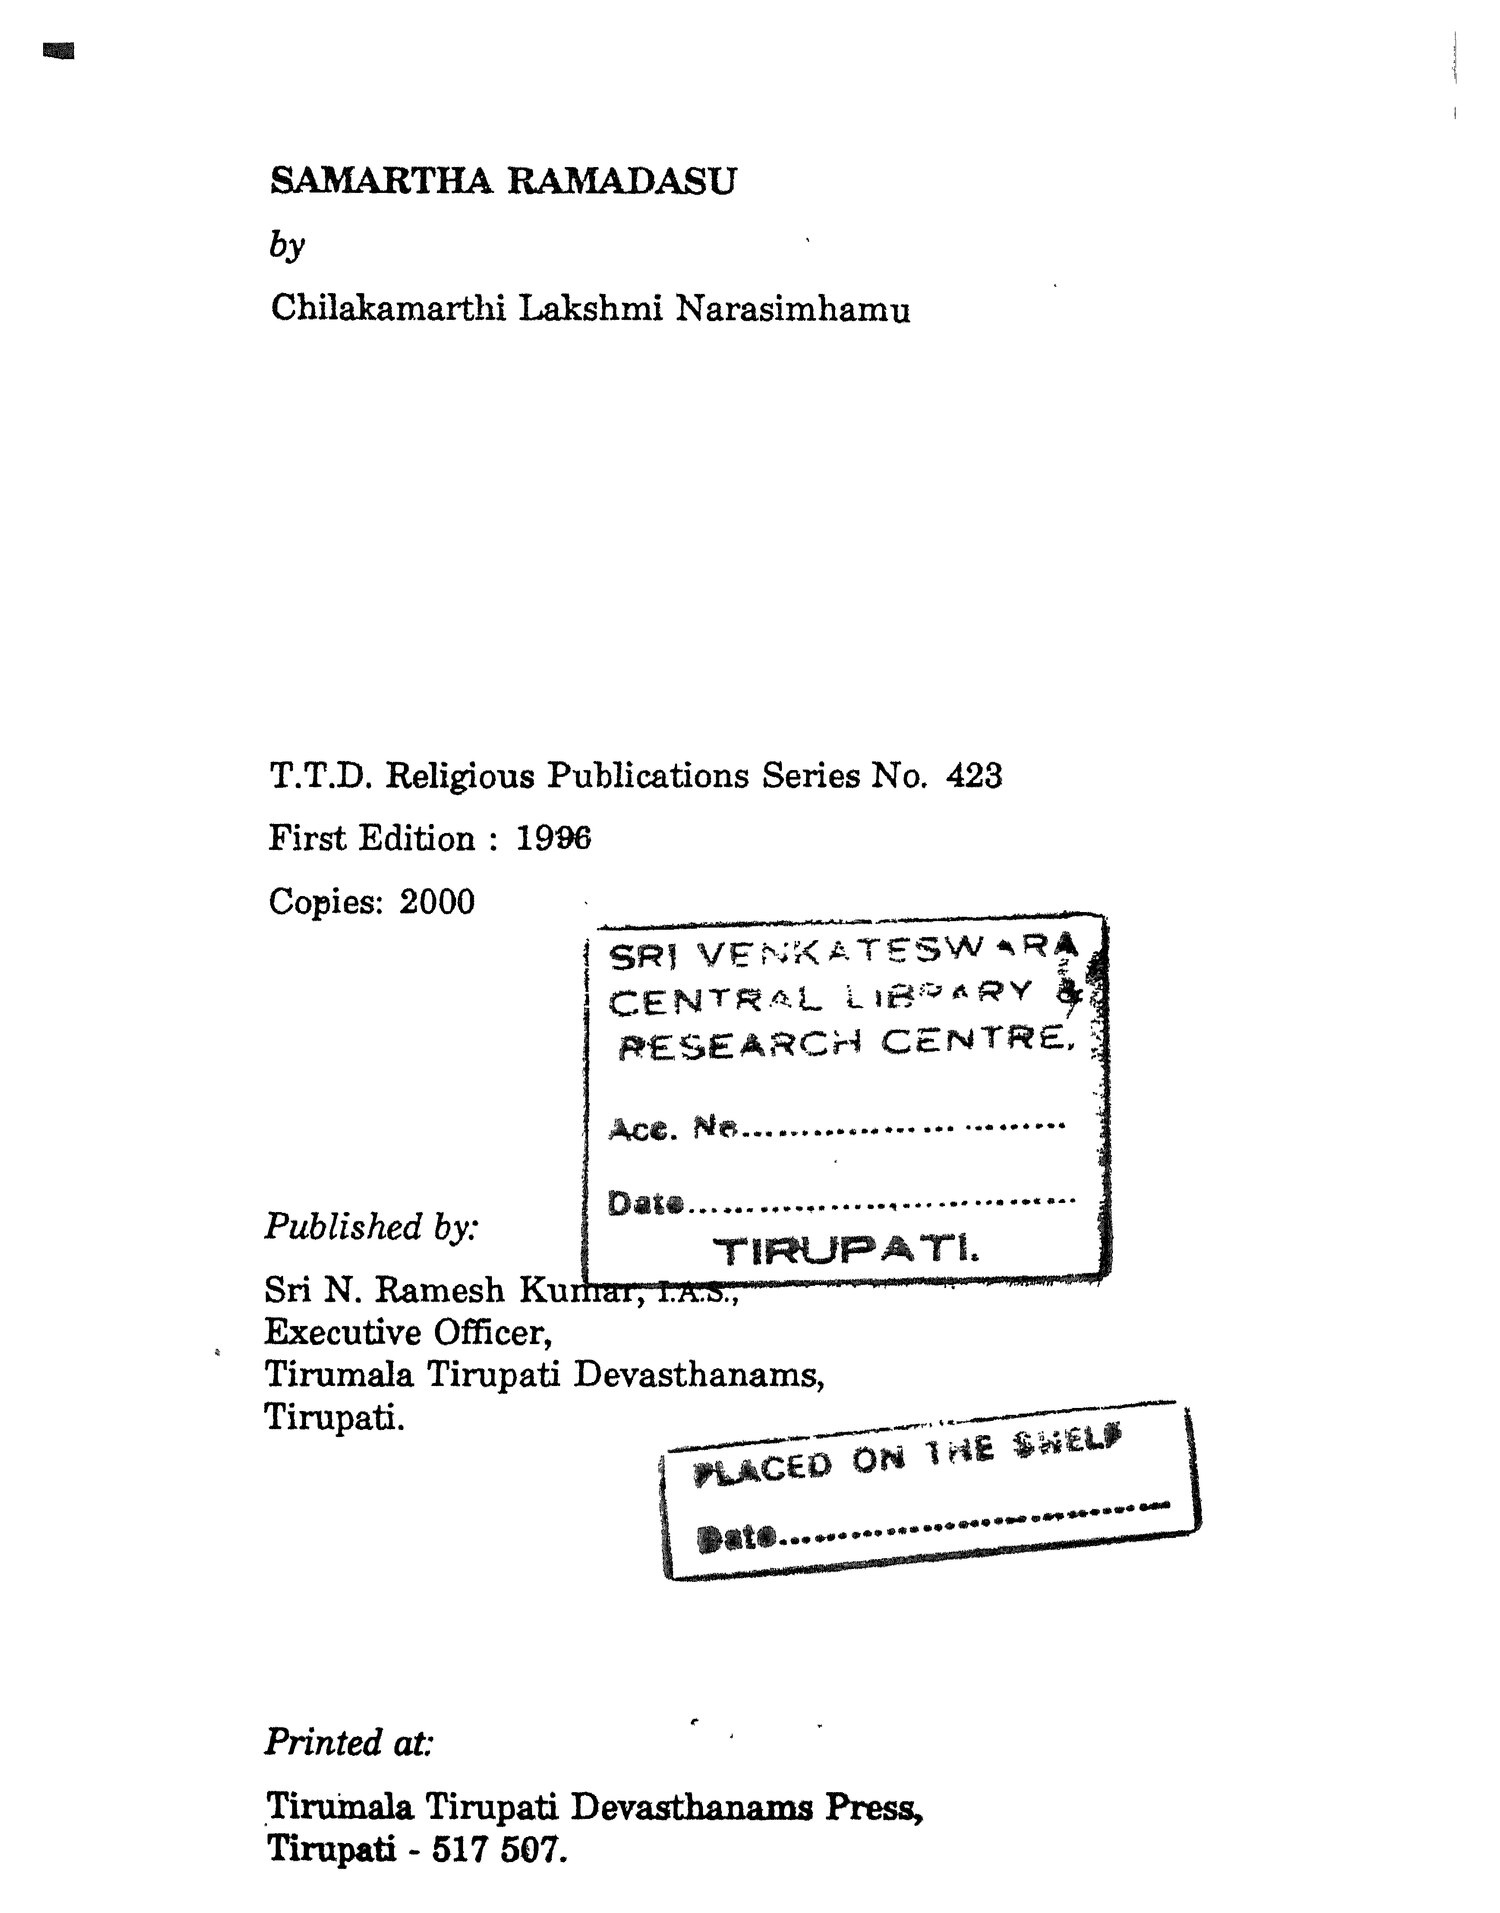SAMARTHA RAMADASU

by

Chilakamarthi Lakshmi Narasimhamu

T.T.D. Religious Publications Series No. 423

First Edition : 1996

Copies: 2000

Published by:

Sri N. Ramesh Kumar, I.A.S.,

Executive Officer,

Tirumala Tirupati Devasthanams,

Tirupati.

Printed at:

Tirumala Tirupati Devasthanams Press,

Tirupati - 517 507.